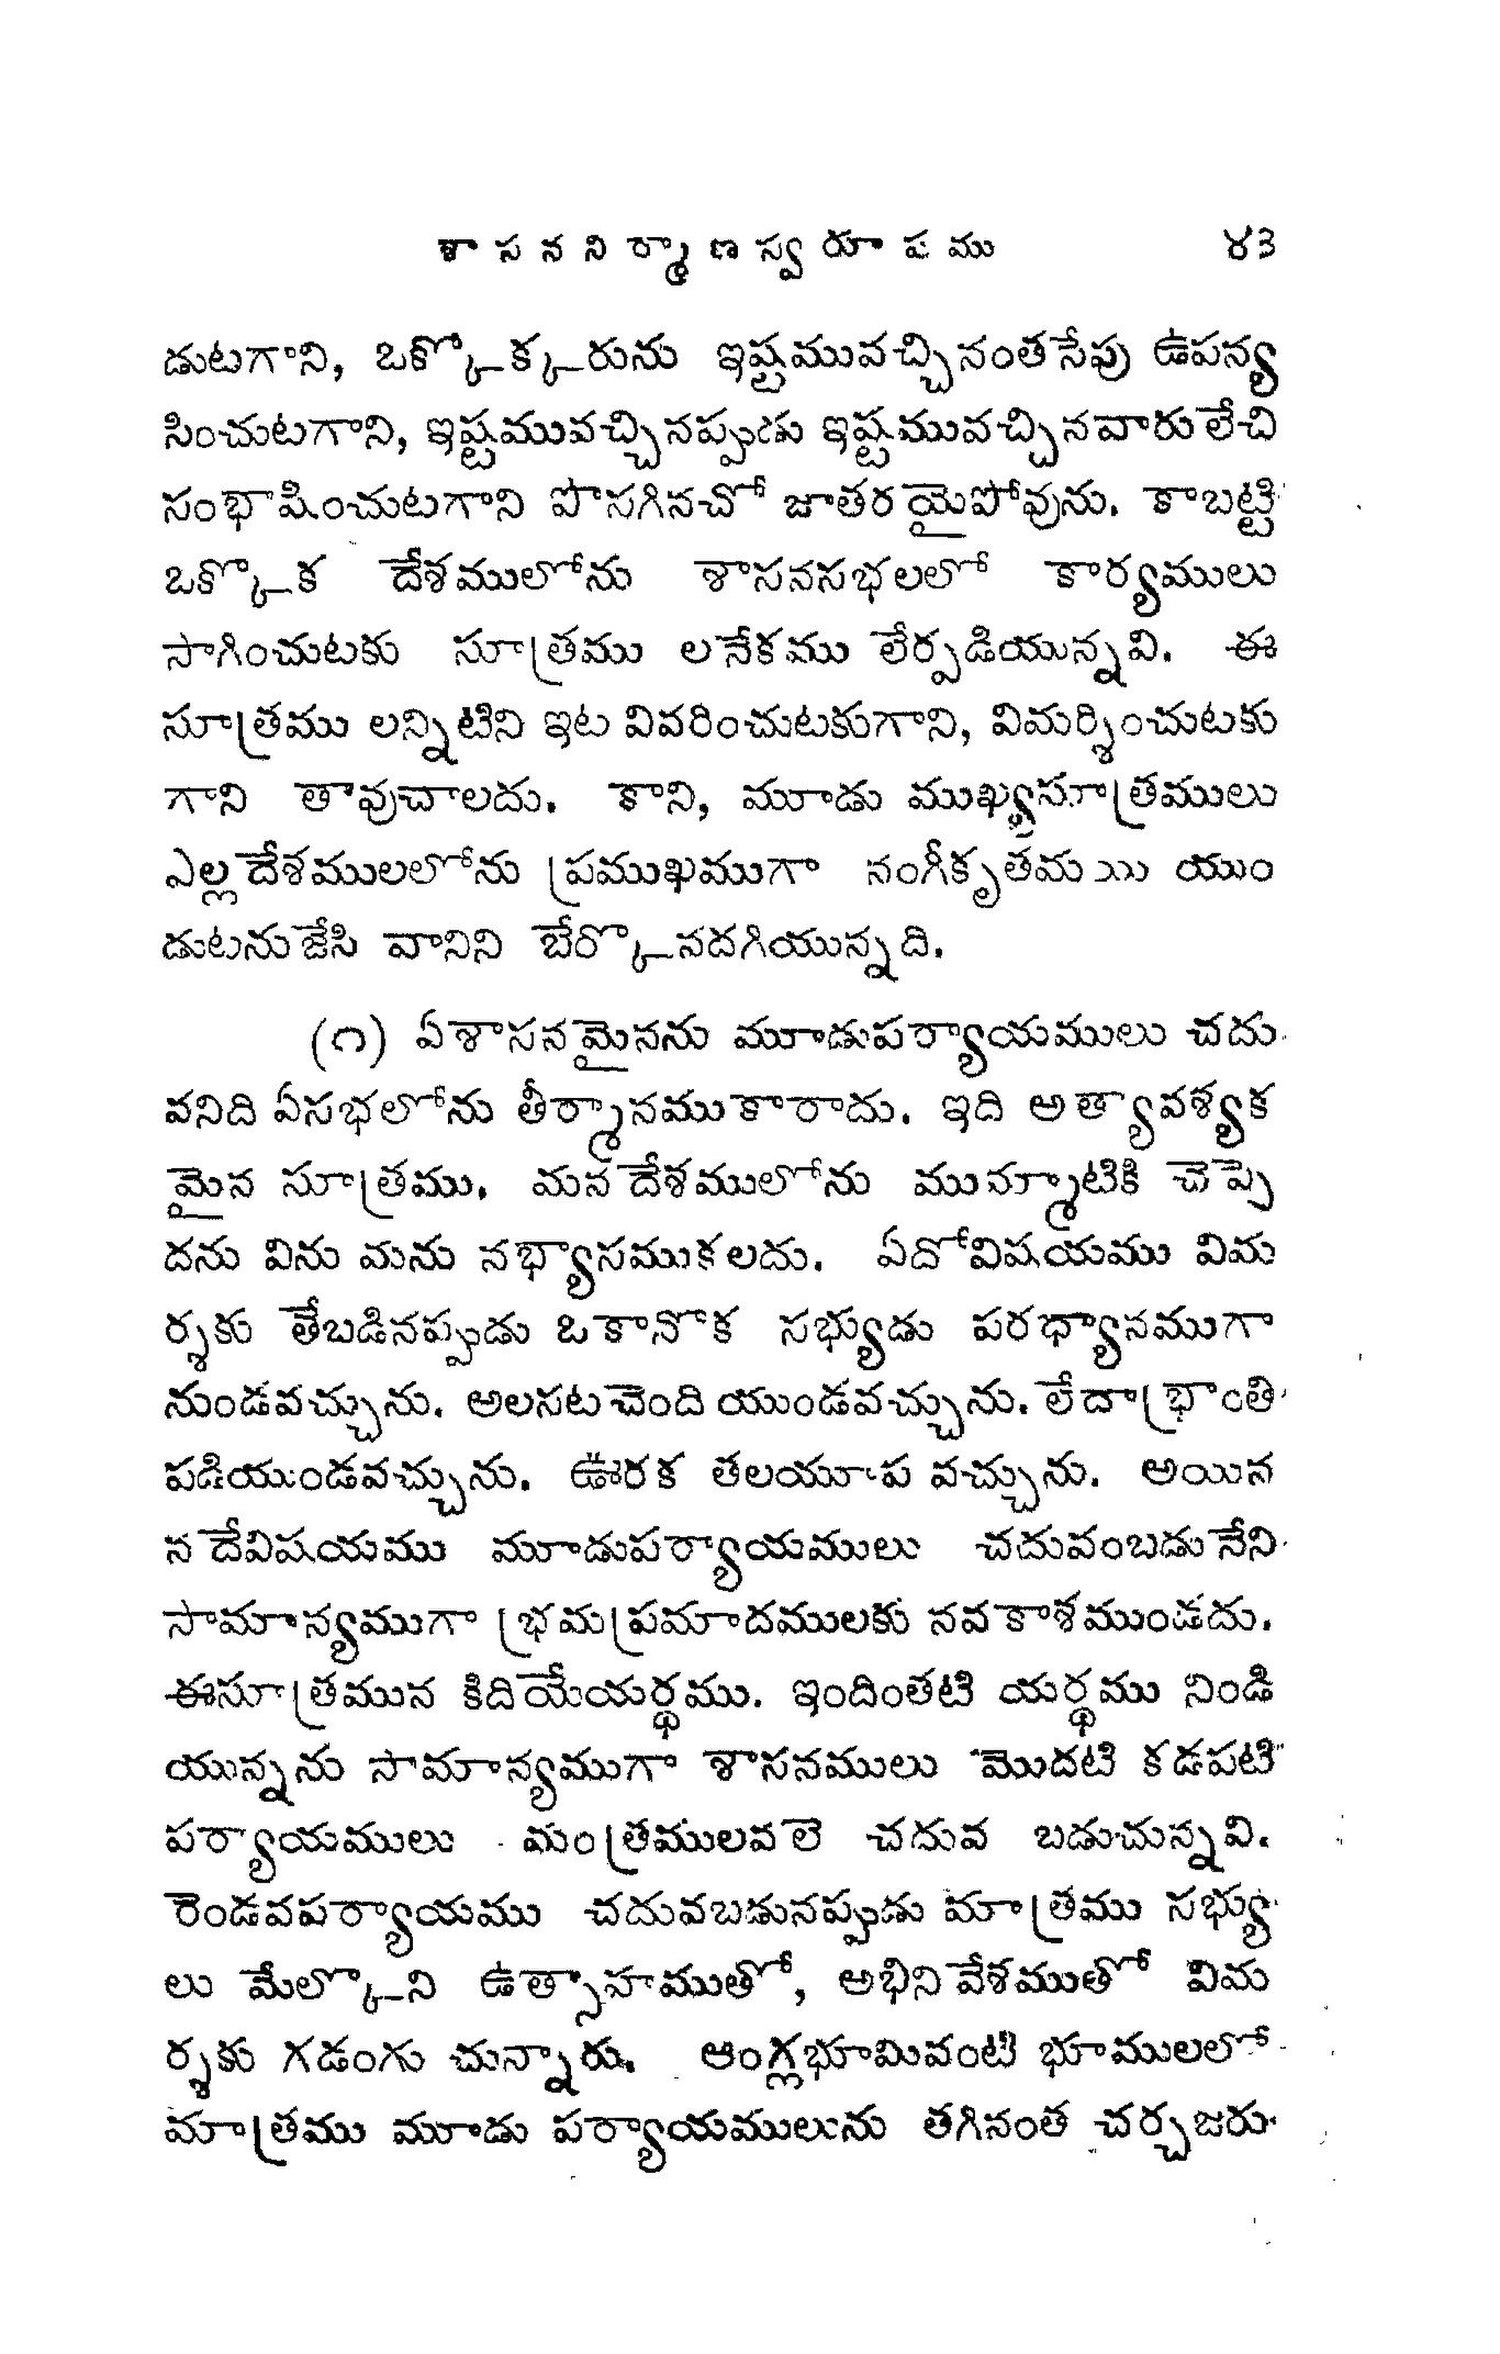డుటగాని, ఒక్కొక్కరును ఇష్టమువచ్చినంతసేపు ఉపన్యసించుటగాని, ఇష్టమువచ్చినప్పుడు ఇష్టమువచ్చినవారులేచి సంభాషించుటగాని పొసగినచో జాతరయైపోవును. కాబట్టి ఒక్కొక దేశములోను శాసనసభలలో కార్యములు సాగించుటకు సూత్రము లనేకము లేర్పడియున్నవి. ఈ
సూత్రము లన్నిటిని ఇట వివరించుటకుగాని, విమర్శించుటకు గాని తావుచాలదు. కాని, మూడు ముఖ్యసూత్రములు ఎల్లదేశములలోను ప్రముఖముగా నంగీకృతమయి యుండుటనుజేసి వానిని బేర్కొనదగియున్నది.

(1) ఏశాసనమైనను మూడుపర్యాయములు చదువనిది ఏసభలోను తీర్మానముకారాదు. ఇది అత్యావశ్యకమైన సూత్రము, మనదేశములోను ముమ్మాటికి చెప్పెదను విను మను నభ్యాసముకలదు. ఏదోవిషయము విమర్శకు తేబడినప్పుడు ఒకానొక సభ్యుడు పరధ్యానముగా నుండవచ్చును. అలసట చెంది యుండవచ్చును. లేదాభ్రాంతి పడియుండవచ్చును. ఊరక తలయూప వచ్చును. అయిన
నదేవిషయము మూడుపర్యాయములు చదువంబడునేని సామాన్యముగా భ్రమప్రమాదములకు నవకాశముండదు. ఈసూత్రమున కిదియేయర్థము. ఇందింతటి యర్థము నిండియున్నను సామాన్యముగా శాసనములు మొదటి కడపటి పర్యాయములు మంత్రములవలె చదువ బడుచున్నవి. రెండవపర్యాయము చదువబడునప్పుడు మాత్రము సభ్యు'లు మేల్కొని ఉత్సాహముతో, అభినివేశముతో విమర్శకు గడంగు చున్నారు. . ఆంగ్లభూమివంటి భూములలో మాత్రము మూడు పర్యాయములును తగినంత చర్చజరు